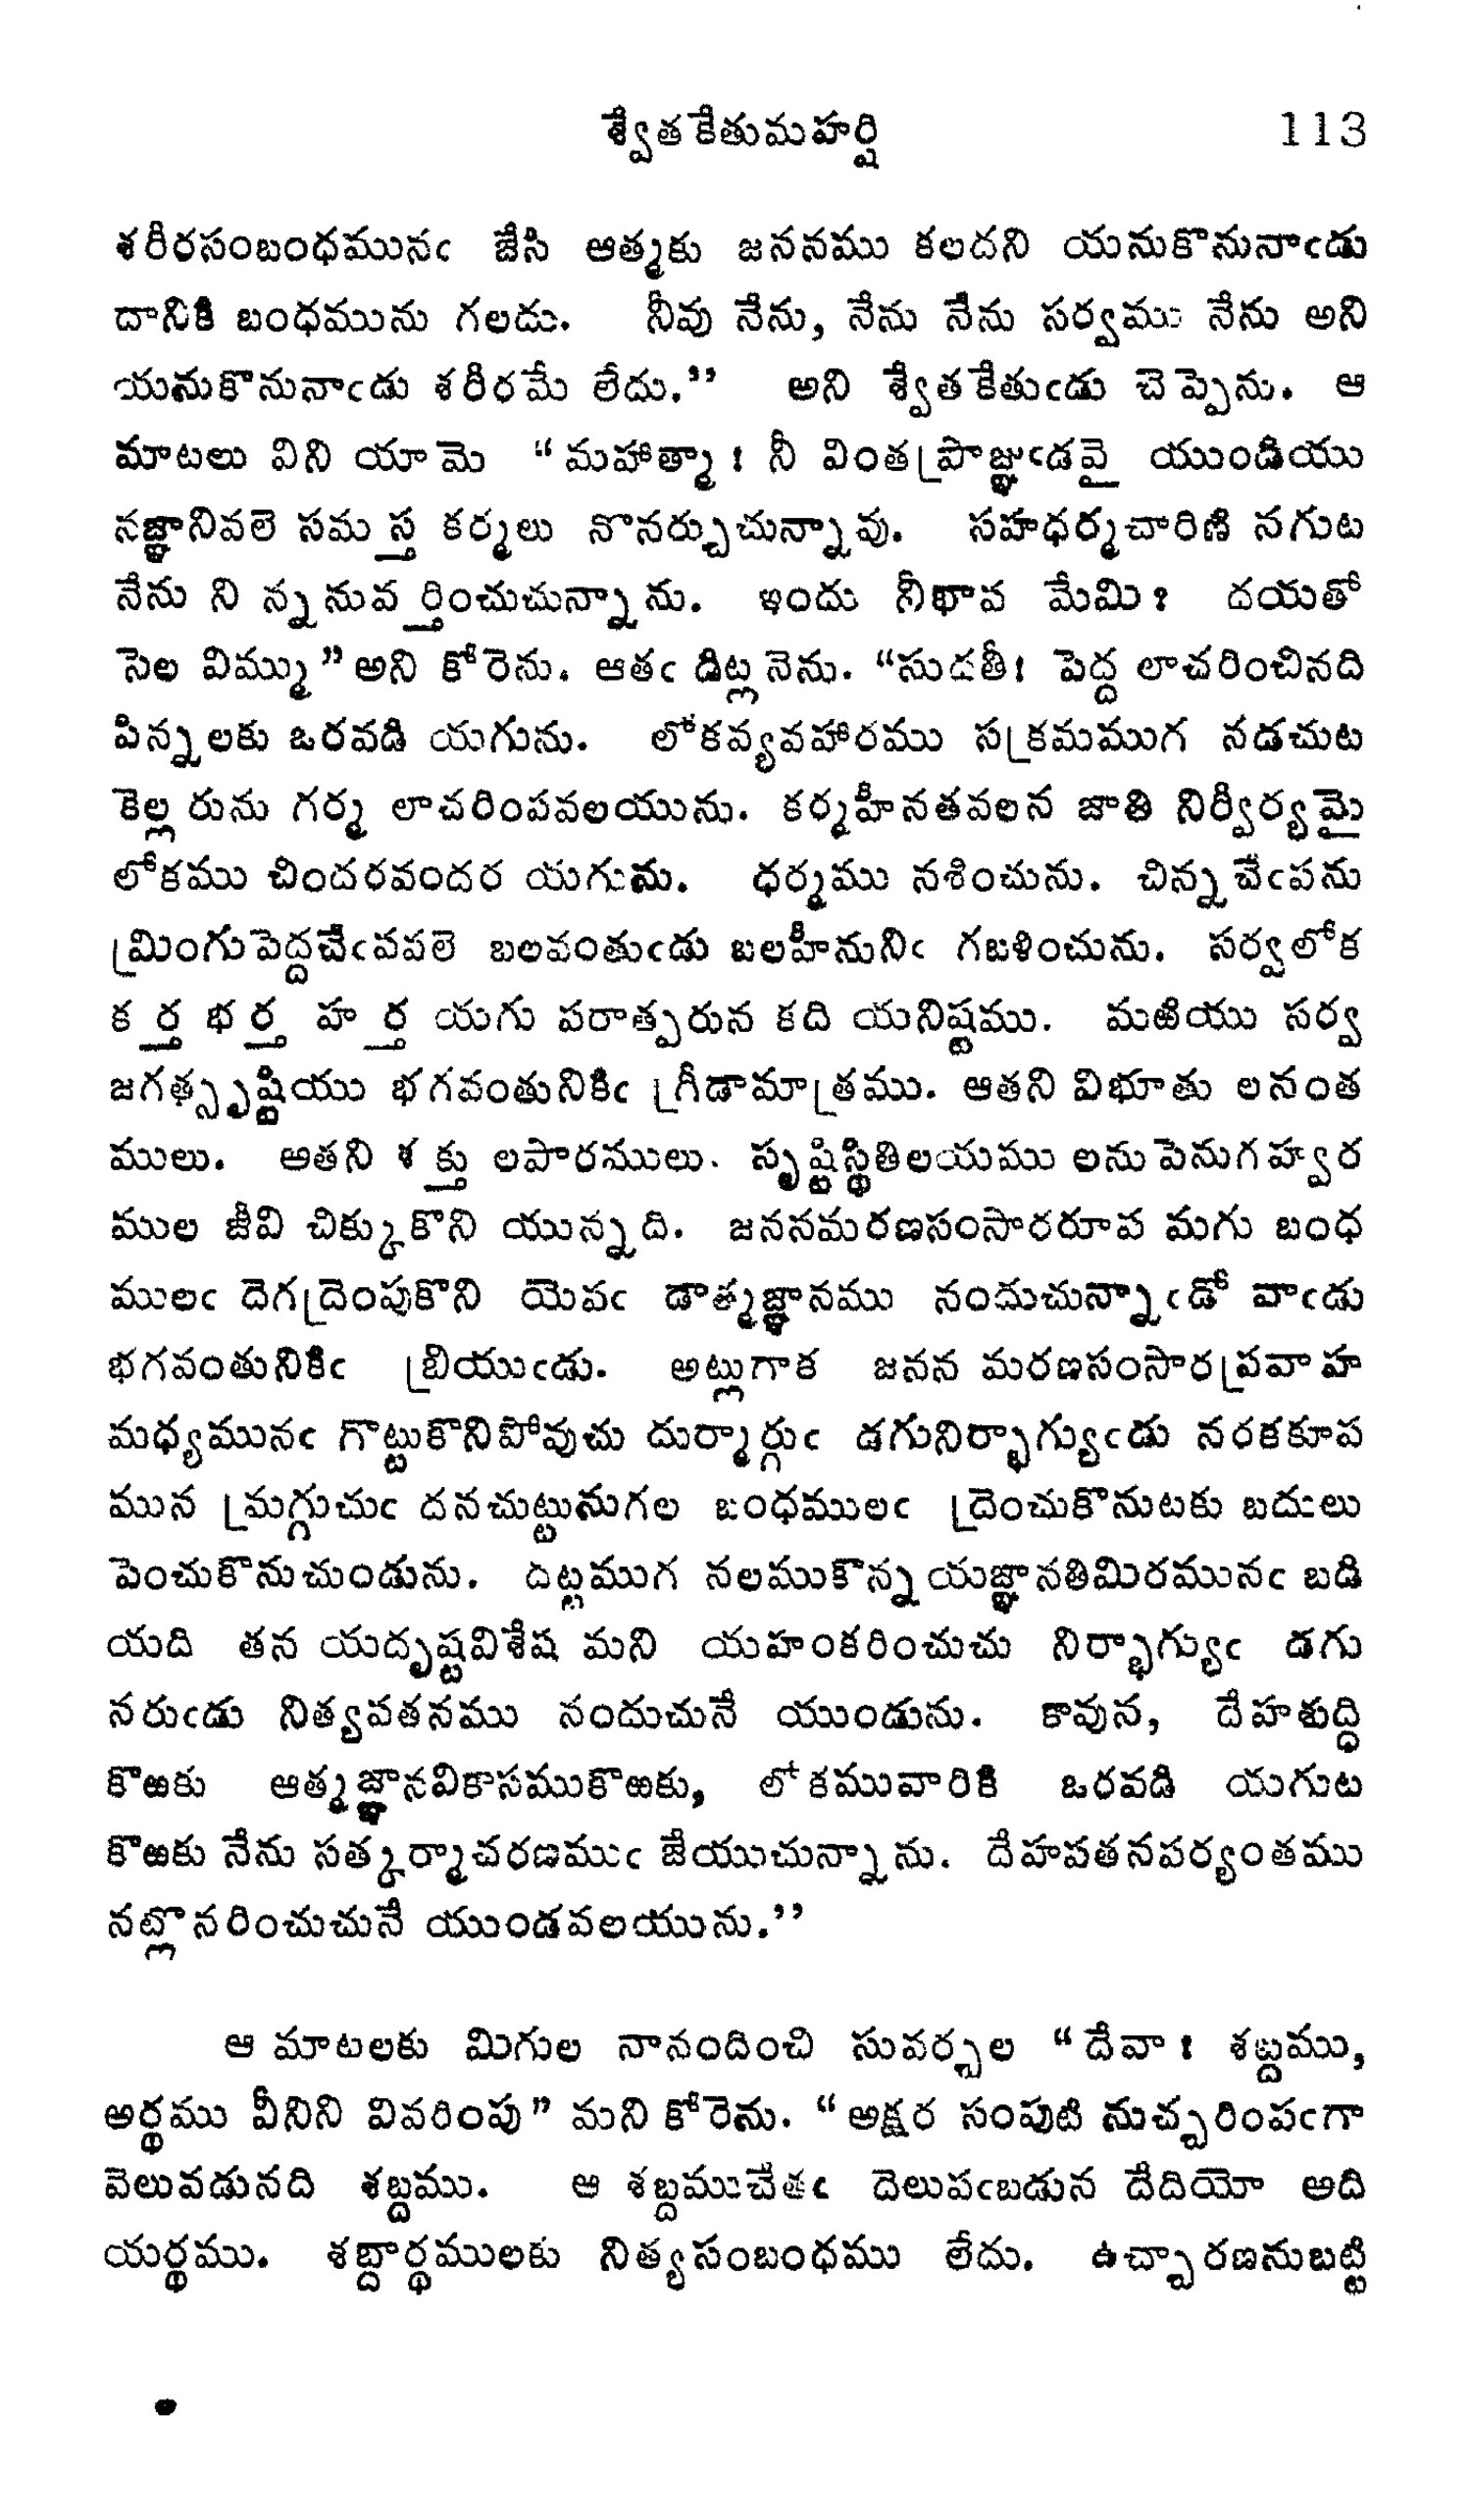శరీరసంబంధమునఁ జేసి ఆత్మకు జననము కలదని యనుకొనునాఁడు దానికి బంధమును గలదు. నీవు నేను, నేను నేను సర్వము: నేను అని యనుకొనునాఁడు శరీరమే లేదు." అని శ్వేతకేతుఁడు చెప్పెను. ఆ మాటలు విని యామె " మహాత్మా ! నీ వింత ప్రాజ్ఞుఁడవై యుండియు నజ్ఞానివలె సమస్త కర్మలు నొనర్చుచున్నావు. సహధర్మచారిణి నగుట నేను ని న్ననువర్తించుచున్నాను. ఇందు నీ భావ మేమి? దయతో సెల విమ్ము” అని కోరెను. ఆతఁ దిట్లనెను. “సుదతీ! పెద్ద లాచరించినది పిన్నలకు ఒరవడి యగును. లోకవ్యవహారము సక్రమముగ నడచుట కెల్ల రును గర్మ లాచరింపవలయును. కర్మహీనతవలన జాతి నిర్వీర్యమై లోకము చిందరవందర యగును. ధర్మము నశించును. చిన్న చేఁపను మ్రింగు పెద్దచేఁపవలె బలవంతుఁడు బలహీనునిఁ గబళించును. సర్వలోక కర్త భర్త హర్త యగు పరాత్పరున కది యనిష్టము. మఱియు సర్వ జగత్సృష్టియు భగవంతునికిఁ గ్రీడామాత్రము. ఆతని విభూతు లనంతములు. అతని శక్తు లపారములు. సృష్టిస్థితిలయము లను పెనుగహ్వరముల జీవి చిక్కుకొని యున్నది. జననమరణసంసారరూప మగు బంధములఁ దెగద్రెంపుకొని యెవఁ డాత్మజ్ఞానము నందుచున్నాఁడో వాఁడు భగవంతునికిఁ బ్రియుఁడు. అట్లుగాక జనన మరణసంసారప్రవాహ మధ్యమునఁ గొట్టుకొనిపోవుచు దుర్మార్గుఁ డగునిర్భాగ్యుఁడు నరకకూపమున మ్రగ్గుచుఁ దనచుట్టునుగల బంధములఁ ద్రెంచుకొనుటకు బదులు పెంచుకొనుచుండును. దట్టముగ నలముకొన్న యజ్ఞానతిమిరమునఁ బడి యది తన యదృష్టవిశేష మని యహంకరించుచు నిర్భాగ్యుఁ డగు నరుఁడు నిత్యపతనము నందుచునే యుండును. కావున, దేహశుద్ధికొఱకు ఆత్మజ్ఞానవికాసముకొఱకు, లోకమువారికి ఒరవడి యగుట కొఱకు నేను సత్కర్మాచరణముఁ జేయుచున్నాను. దేహపతనపర్యంతము నట్లొనరించుచునే యుండవలయును.”

ఆ మాటలకు మిగుల నానందించి సువర్చల "దేవా! శబ్దము, అర్థము వీనిని వివరింపు" మని కోరెను. " అక్షర సంపుటి నుచ్చరింపఁగా వెలువడునది శబ్దము. ఆ శబ్దముచేతఁ దెలుపఁబడున దేదియో అది యర్థము. శబ్దార్ధములకు నిత్యసంబంధము లేదు. ఉచ్చారణనుబట్టి